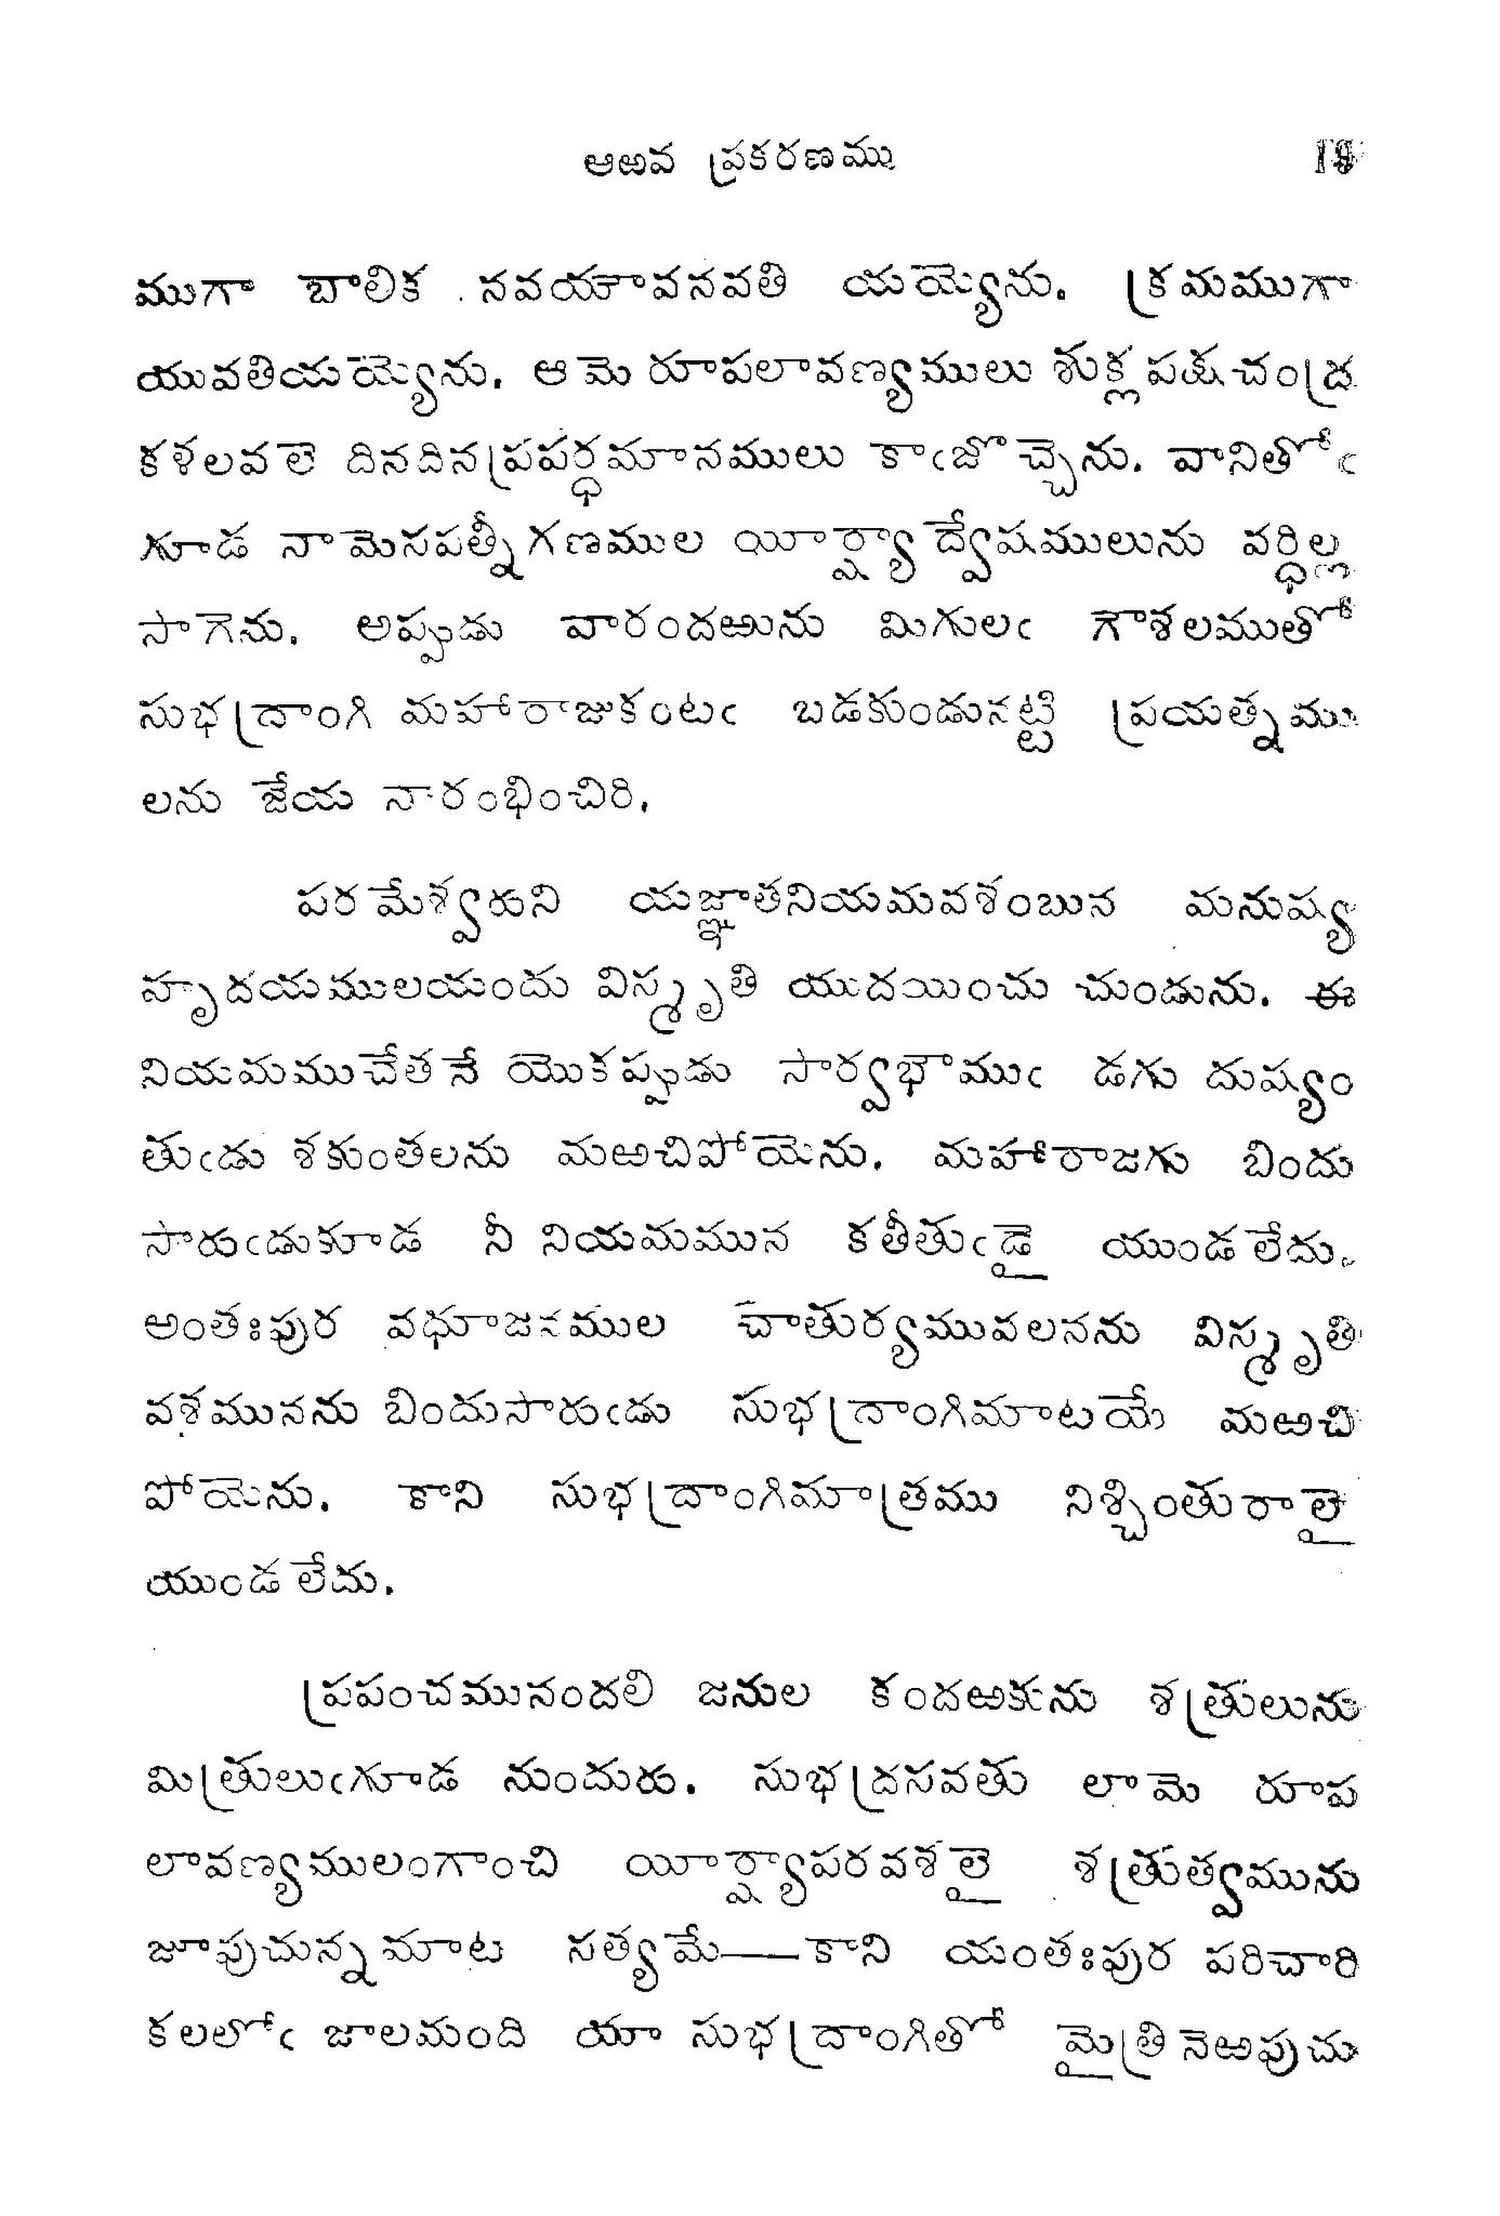ముగా బాలిక నవయౌవనవతి యయ్యెను. క్రమముగా యువతియయ్యెను. ఆమె రూపలావణ్యములు శుక్లపక్ష చంద్ర కళలవలె దిన దిన ప్రవర్ధమానములు కాఁజొచ్చెను. వానితో గూడ నా మెసపత్నీగణముల యీర్ష్యా ద్వేషములును వర్ధిల్లసాగెను. అప్పుడు వారందఱును మిగులఁ గౌశలముతో
సుభద్రాంగి మహా రాజుకంటఁ బడకుండునట్టి ప్రయత్నములను జేయ నారంభించిరి.

పరమేశ్వరుని యజ్ఞాతనియమవశంబున మనుష్య హృదయములయందు విస్మృతి యుదయించు చుండును. ఈ నియమము చేతనే యొకప్పుడు సార్వభౌముఁ డగు దుష్యంతుఁడు శకుంతలను మఱచిపోయెను. మహారాజగు బిందుసారుఁడుకూడ నీ నియమమున కతీతుఁడై యుండ లేదు, అంతఃపుర వధూజనముల చాతుర్యమువలనను విస్మృతి' వశమునను బిందుసారుఁడు సుభద్రాంగి మాటయే మఱచిపోయెను. సుభద్రాంగిమాత్రము నిశ్చింతురాలైయుండ లేదు.

ప్రపంచమునందలి జనుల కందఱకును శత్రులును మిత్రులుఁగూడ నుందురు. సుభద్రసవతు లామె రూప
లావణ్యములంగాంచి యీర్ష్యా పరవశలై శత్రుత్వమును జూపుచున్న మాట సత్యమే--కాని యంతఃపుర పరిచారికలలోఁ జాలమంది యా సుభద్రాంగితో మైత్రి నెఱుపుచు